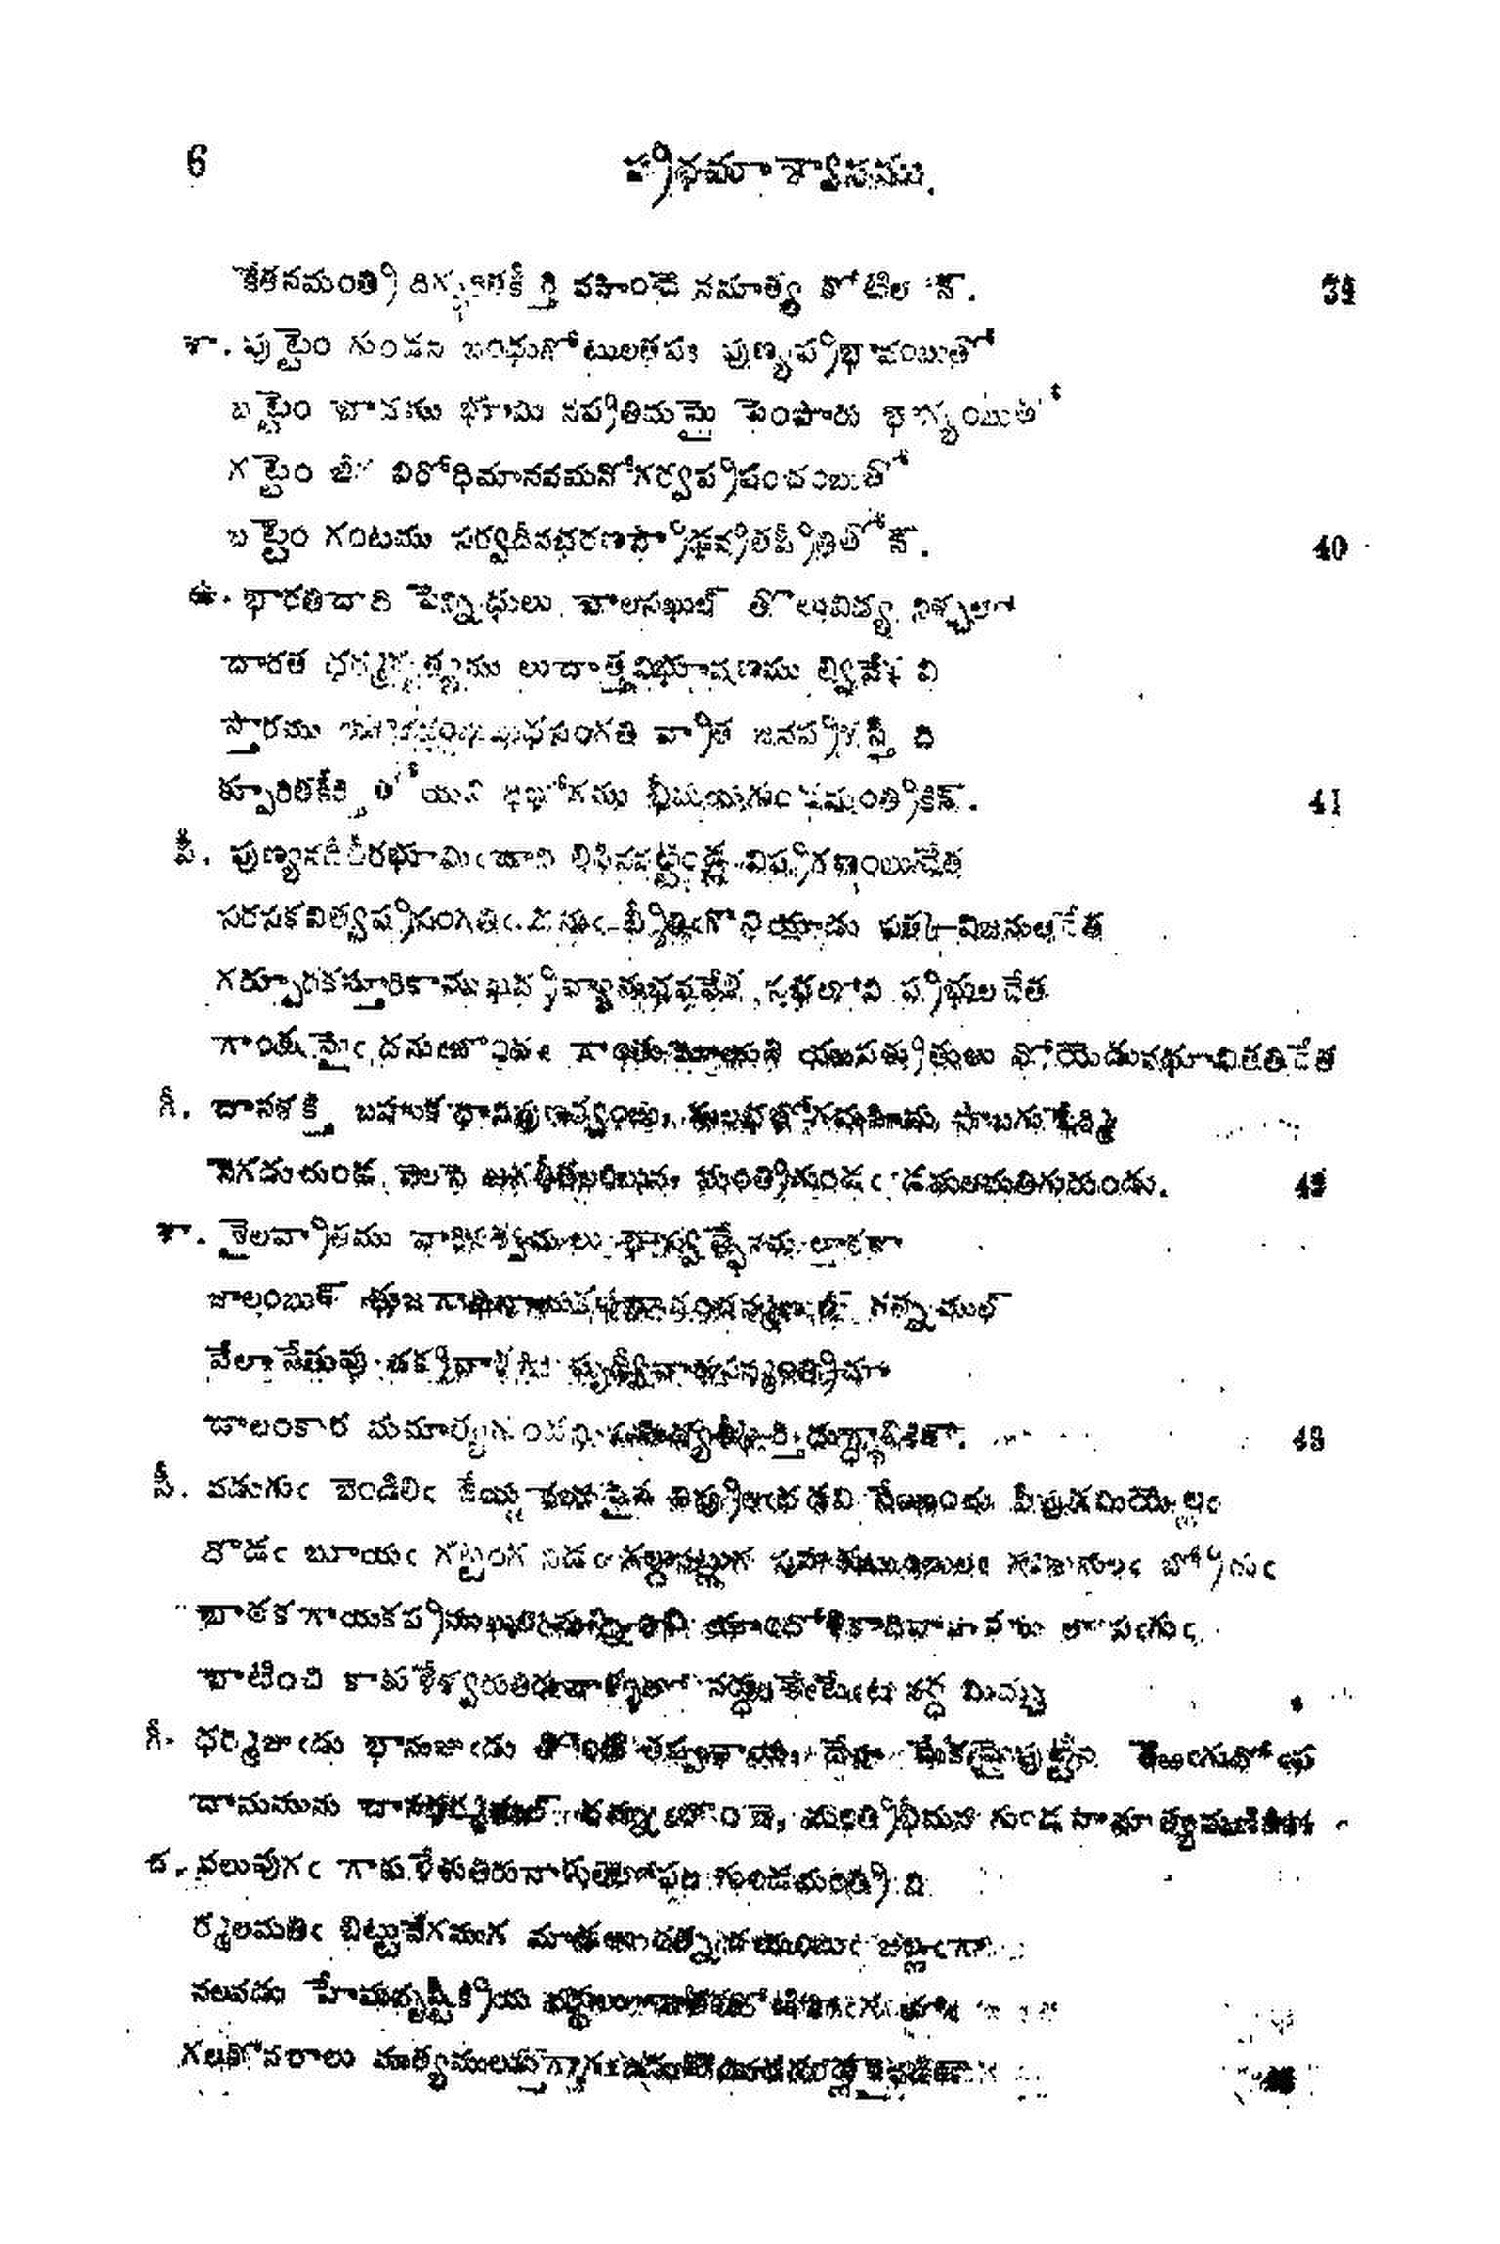కేతనమంత్రి దిగ్భరితకీర్తి వహించె నమాత్యకోటిలోన్.
శా. పుట్టెం గుండని బంధుకోటులతపఃపుణ్యప్రభావంబుతో
 బెట్టెం బాదము భూమి నప్రతిమమై పెంపారు భాగ్యంబుతో
 గట్టెం జీర విరోధిమానవమనోగర్వప్రపంచంబుతో
 బట్టెం గంటము సర్వజీవభరణప్రౌఢవ్రతప్రీతితోన్.
ఉ. భారతిదాది పెన్నిధులు బాలసఖుల్ తొలువిద్య నిశ్చలో
 దారత ధర్మకృత్యము లుదాత్తవిభూషణము ల్వివేకవి
 స్తారము యౌవనబంధుబుధసంగతి వ్రాత జనప్రశస్తి ది
 క్పూరితకీర్తితో యనిరధిభోగము భీమయ గుండమంత్రికిన్.
సీ. పుణ్యనదీతీరభూమిఁ దాని లిపినపట్టిండ్ల విప్రగణంబుచేత
 సరసకవిత్వప్రసంగతిఁ దనుఁ బ్రీతిఁ గొనియాడు సత్కవిజనులచేత
 గర్పూరకస్తూరికాముఖద్రవ్యానుభవవేళ సభలోని ప్రభులచేత
 గాంక్షమైఁ దనుఁబొందఁ గాంతుమోయని యుపశ్రుతులు వోయెడువధూవితతిచేత
గీ. దానశక్తి బహుకథానిపుణత్వంబు, సులభభోగమహిమ సొబగుపేర్మి
 నెగడుచుండ వెలసె జగతీతలంబున, మంత్రిగుండఁ డమలమతిగురుండు.
శా. శైలవ్రాతము వారిసత్వములు భాస్వత్ఫేనము ల్తారకా
 జాలంబున్ భుజగాధినాయకఫణానందన్మణుల్ గన్నముల్
 వేలాసేతువు చక్రవాళగిరి పృథ్వీనాథుసన్మంత్రిచూ
 డాలంకార మమాత్యగుండని సమిధ్యత్కీర్తిదుగ్ధాబ్ధికిన్.
సీ. వడుగుఁ బెండిలిఁ జేయ వయసైన విప్రులఁ దడవి సేయించు నీపుడమియెల్లఁ
 దొడఁ బూయఁ గట్టంగ నిడఁ గల్గునట్లుగ సహకుటుంబులఁ గవిజనులఁ బ్రోచుఁ
 బాఠకగాయకప్రముఖుల మన్నించి యాందోళికాదివాహనము లొసఁగుఁ
 బాటించి కాకుళేశ్వరుతిరణాళ్ళలో నర్థుల కేటేట నర్థ మిచ్పు
గీ. ధర్మజుడు భానుజుఁడు తొంటి తప్పుఛాయ దేహ మేకమై పుట్టినతెఱఁగు దోఁప
 దామమును దానధర్మముల్ దన్నుఁ బొందె, మంత్రిభీమన గుండనామాత్యమణికి.
చ. వలువుగఁ గాకుళేశుతిరునాళులలోపల గుండమంత్రి ని
 ర్మలమతిఁ బిట్టువేగముగ మాడలు రత్నచయంబు జల్లఁగా
 నలవడు హేమవృష్టిక్రియ నర్థులు చాతకకోటికాఁగ హా
 గలకొనరాలు ముత్యములుఁ గాఁగఁ బడున్ వడగండ్లకైవడిన్.

.